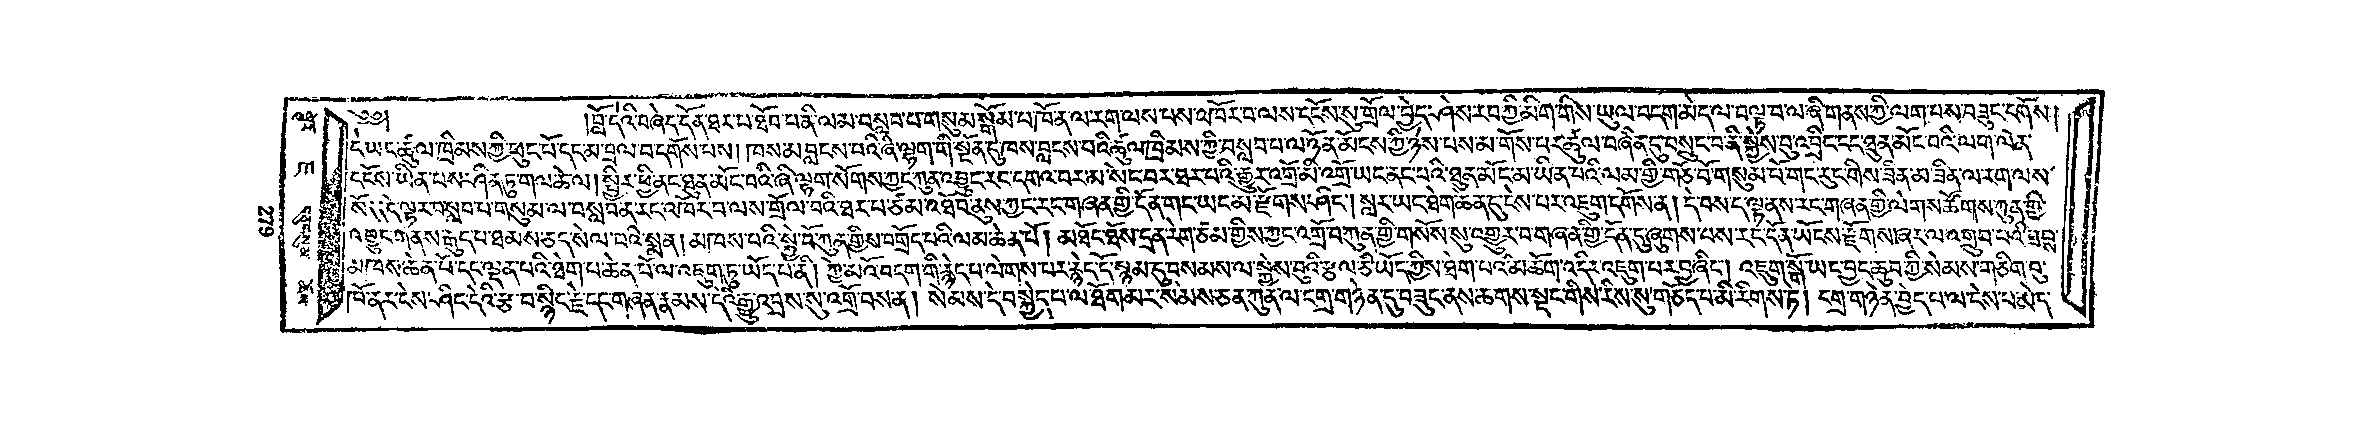༄༅། །བློ་དེའི་བཞེད་དོན་ཐར་པ་ཐོབ་པ་ནི་ལམ་བསླབ་པ་གསུམ་སྒོམ་པ་ཁོ་ན་ལ་རག་ལས་པས་འཁོར་བ་ལས་དངོས་སུ་གྲོལ་བྱེད་ཤེས་རབ་ཀྱི་མིག་གིས་ཡུལ་བདག་མེད་ལ་བལྟ་བ་ལ་ཞི་གནས་ཀྱི་ལག་པས་བཟུང་དགོས།
དེ་ཡང་ཚུལ་ཁྲིམས་ཀྱི་ཕུང་པོ་དང་མ་བྲལ་བ་དགོས་པས། ཁས་མ་བླངས་པའི་ཞི་ལྷག་གི་སྔོན་དུ་ཁས་བླངས་པའི་ཚུལ་ཁྲིམས་ཀྱི་བསླབ་པ་ལ་ཉོན་མོངས་ཀྱི་ཉེས་པས་མ་གོས་པར་ཚུལ་བཞིན་དུ་བསྲུང་བ་ནི་སྐྱེས་བུ་འབྲིང་དང་ཐུན་མོང་བའི་ལག་ལེན་
དངོས་ཡིན་པས་ཤིན་ཏུ་གལ་ཆེ་ལ། སྤྱིར་ཕྱི་ནང་ཐུན་མོང་བའི་ཞི་ལྷག་སོགས་ཀྱང་ཀུན་འབྱུང་རང་དགའ་བར་མ་སེང་བར་ཐར་པའི་རྒྱུར་འགྲོ་མི་འགྲོ་ཡང་ནང་པའི་ཐུན་མོང་མ་ཡིན་པའི་ལམ་གྱི་གཙོ་བོ་གསུམ་པོ་གང་རུང་གིས་ཟིན་མ་ཟིན་ལ་རག་ལས་
སོ། །དེ་ལྟར་བསླབ་པ་གསུམ་ལ་བསླབ་ན་རང་འཁོར་བ་ལས་གྲོལ་བའི་ཐར་པ་ཙམ་འཐོབ་ནུས་ཀྱང་རང་གཞན་གྱི་དོན་གང་ཡང་མ་རྫོགས་ཤིང་། སླར་ཡང་ཐེག་ཆེན་དུ་ངེས་པར་འཇུག་དགོས་ན། དེ་བསད་ལྟ་ནས་རང་གཞན་གྱི་ལེགས་ཚོགས་ཀུན་གྱི་
འབྱུང་གནས་རྒུད་པ་ཐམས་ཅད་སེལ་བའི་སྨན། མཁས་པའི་སྐྱེ་བོ་ཀུན་གྱི་བགྲོད་པའི་ལམ་ཆེན་པོ། མཐོང་ཐོས་དྲན་རེག་ཙམ་གྱིས་ཀྱང་འགྲོ་བ་ཀུན་གྱི་གསོས་སུ་འགྱུར་བ་གཞན་གྱི་དོན་དུ་ཞུགས་པས་རང་དོན་ཡོངས་རྫོགས་ཞར་ལ་འགྲུབ་པའི་ཐབས་
མཁས་ཆེན་པོ་དང་ལྡན་པའི་ཐེག་པ་ཆེན་པོ་ལ་འཇུག་ཏུ་ཡོད་པ་ནི། ཀྱེ་མའོ་བདག་གི་རྙེད་པ་ལེགས་པར་རྙེད་དོ་སྙམ་དུ་བསམས་ལ་སྐྱེས་བུའི་རྩལ་ཅི་ཡོད་ཀྱིས་ཐེག་པའི་མཆོག་འདིར་འཇུག་པར་བྱ་ཞིང་། འཇུག་སྒོ་ཡང་བྱང་ཆུབ་ཀྱི་སེམས་གཅིག་བུ་
ཁོ་ནར་ངེས་ཤིང་དེའི་རྩ་བ་སྙིང་རྗེ་དང་གཞན་རྣམས་དེའི་རྒྱུ་འབྲས་སུ་འགྲོ་བས་ན། སེམས་དེ་བསྐྱེད་པ་ལ་ཐོག་མར་སེམས་ཅན་ཀུན་ལ་དགྲ་གཉེན་དུ་བཟུང་ནས་ཆགས་སྡང་གིས་རིས་སུ་གཅོད་པ་མི་རིགས་ཏེ། དགྲ་གཉེན་བྱེད་པ་ལ་ངེས་པ་མེད་